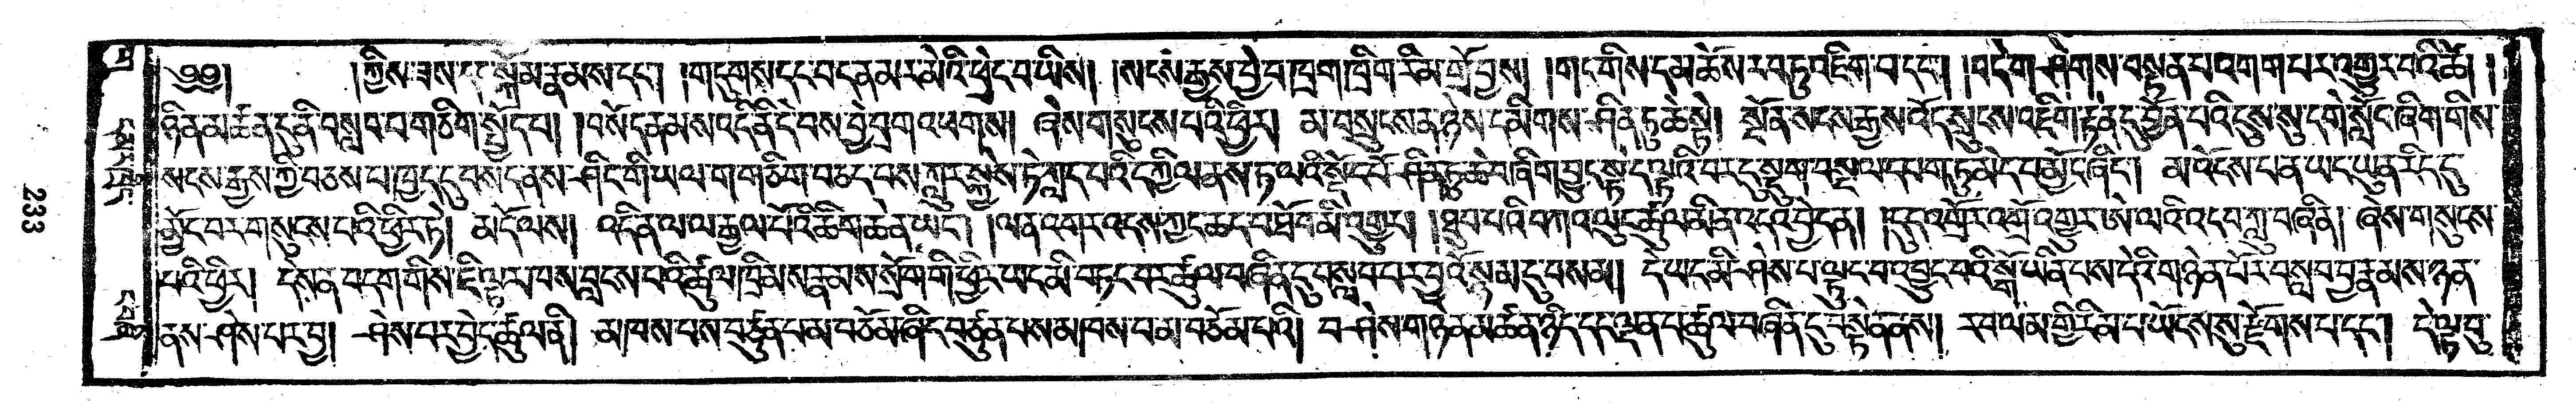༄༅། །ཀྱིས་ཟས་དང་སྐོམ་རྣམས་དང་། །གདུགས་དང་བདན་མར་མེའི་ཕྲེང་བ་ཡིས། །སངས་རྒྱས་བྱེ་བ་ཁྲག་ཁྲིག་རིམ་གྲོ་བྱས། །གང་གིས་དམ་ཆོས་རབ་ཏུ་འཇིག་བ་དག། །བདེ་གཤེགས་བསྟན་པ་འགག་པར་འགྱུར་བའི་ཚེ། །
ཉིན་མཚན་དུ་ནི་བསླབ་བ་གཅིག་སྤྱོད་པ། །བསོད་ནམས་འདི་ནི་དེ་བས་བྱེ་བྲག་འཕགས། ཞེས་གསུངས་པའི་ཕྱིར། མ་བསྲུངས་ན་ཉེས་དམིགས་ཤིན་ཏུ་ཆེ་སྟེ། སྔོན་སངས་རྒྱས་འོད་སྲུངས་འཇིག་རྟེན་དུ་བྱོན་པའི་དུས་སུ་དགེ་སློང་ཞིག་གིས་
སངས་རྒྱས་ཀྱི་བཅས་པ་ཁྱད་དུ་བསད་ནས་ཤིང་གི་ཡལ་ག་གཅིག་བཅད་པས་ཀླུར་སྐྱེས་ཏེ་ཀླད་པའི་དཀྱིལ་ནས་ཏ་ལའི་སྡོང་པོ་ཤིན་ཏུ་ཆེ་བཞིག་བྱུང་སྟེ་ད་ལྟའི་བར་དུ་སྡུག་བསྔལ་དཔག་ཏུ་མེད་བ་མྱོང་ཞིང་། མ་འོངས་པ་ན་ཡང་ཡུན་རིང་དུ་
མྱོང་བར་གསུངས་པའི་ཕྱིར་ཏེ། མདོ་ལས། འདི་ན་ལ་ལ་རྒྱལ་པོའི་ཚིག་ཆེན་ཡང་། །ལན་འགར་འདས་ཀྱང་ཆད་འཐོབ་མི་འགྱུར། །ཐུབ་པའི་བཀའ་ལུང་ཚུལ་མིན་འདའ་བྱེད་ན། །དུད་འགྲོར་འགྲོ་འགྱུར་ཨེ་ལའི་འདབ་ཀླུ་བཞིན། ཞེས་གསུངས་
པའི་ཕྱིར། དེས་ན་བདག་གིས་ཇི་ལྟར་ཁས་བླངས་པའི་ཚུལ་ཁྲིམས་རྣམས་སྲོག་གི་ཕྱིར་ཡང་མི་བཏང་བར་ཚུལ་བཞིན་དུ་བསླབ་བར་བྱའོ་སྙམ་དུ་བསམ། དེ་ཡང་མི་ཤེས་པ་ལྟུང་བ་འབྱུང་བའི་སྒོ་ཡིན་པས་དེའི་གཉེན་པོར་བསླབ་བྱ་རྣམས་ཉན་
ནས་ཤེས་པར་བྱ། ཤེས་པར་བྱེད་ཚུལ་ནི། མཁས་པས་བཙུན་པ་མ་བཅོམ་ཞིང་བཙུན་པས་མཁས་པ་མ་བཅོམ་པའི། །བཤེས་གཉེན་མཚན་ཉིད་དང་ལྡན་པ་ཚུལ་བཞིན་དུ་བསྟེན་ནས། རབ་ལམ་གྱི་རིམ་པ་ཡོངས་སུ་རྫོགས་པ་དང་། དེ་ལྟ་བུ་